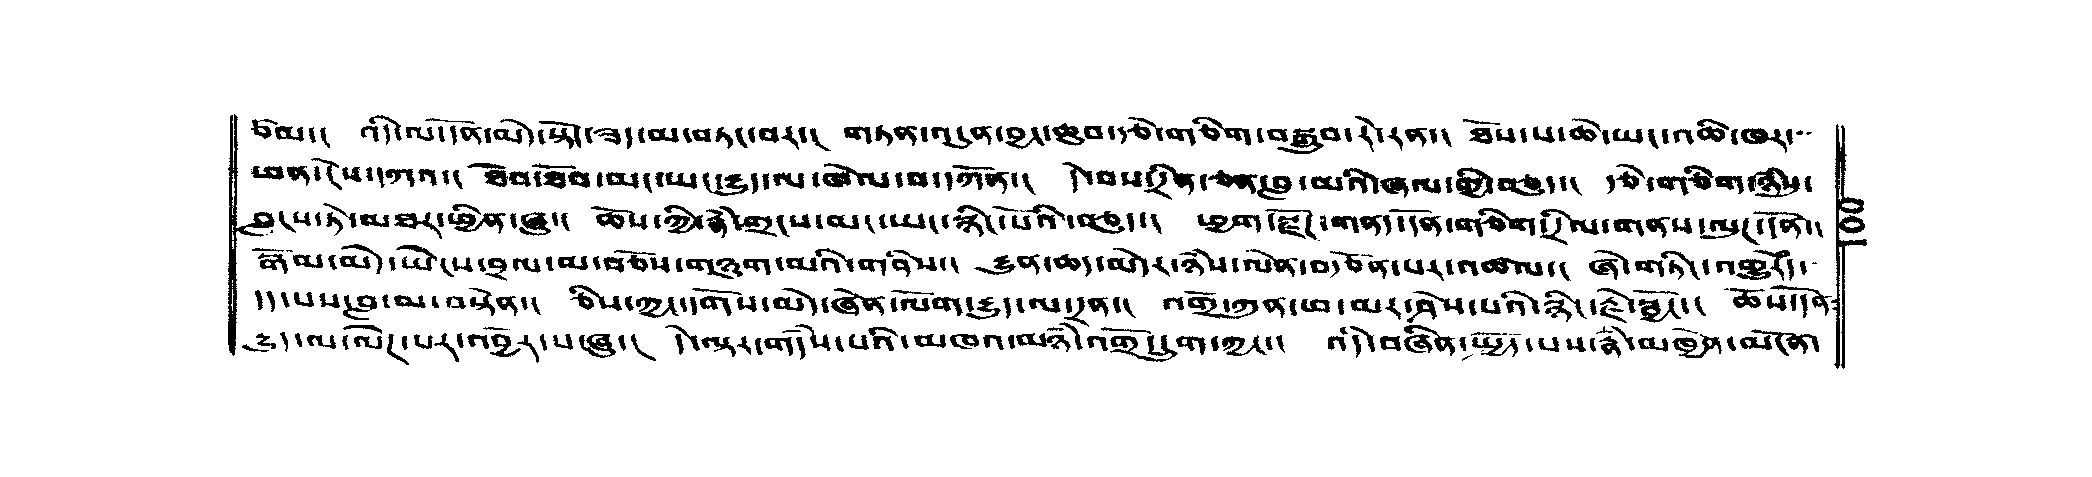ཙམ། །འདི་ལ་དོན་མེད་སྟོང་ཟད་མ་བཏང་བར། །གཏན་འདུན་བྱང་ཆུབ་རྩེ་གཅིག་བསྒྲུབ་རེ་རན། །ཐོས་པ་ཆེ་ཡང་འཆི་ཁར་
ཕན་ངེས་དཀའ། ཐོབ་ཐོབ་མང་ཡང་རྒྱུད་ལ་ཁེལ་བ་དཀོན། །དེ་བས་དྲིན་ཆེན་བླ་མའི་ཞལ་གྱི་བཅུད། །རྩེ་གཅིག་ཉམས་སུ་
བླངས་ཏེ་མཐར་ཕྱིན་ཞུ། །ཆོས་ཀྱི་རྣམ་གྲངས་མང་ཡང་སྙིང་པོའི་བཅུད། །ཕྱག་རྫོགས་གནད་དོན་གཅིག་དྲིལ་གནས་ལུགས་དོན། །
སྒོམ་མེད་ཡེངས་བྲལ་མ་བཅོས་གཉུག་མའི་གཤིས། །རྒྱུན་ཆད་མེད་པར་ཉམས་ལེན་བརྩོན་པར་འཚལ། །ཞེ་གཏིང་འགྱུར་
མེད་དད་པས་བླ་མ་བསྟེན། །ཅིས་ཀྱང་འགྱུར་མེད་ཞེན་ལོག་རྒྱུད་ལ་དྲན། །འགྲོ་ཀུན་ཕ་མར་ཤེས་པའི་སྙིང་རྗེ་སྦྱོངས། །ཆོས་དོན་
རྒྱུད་ལ་ལེགས་པར་འབྱོར་བར་ཞུ། །དེ་ལྟར་གདམས་པའི་མཁའ་མཉམ་འགྲོ་དྲུག་ཀྱང་། །འདི་བཞིན་སྤྱོད་པས་རྣམ་མཁྱེན་མངོན་